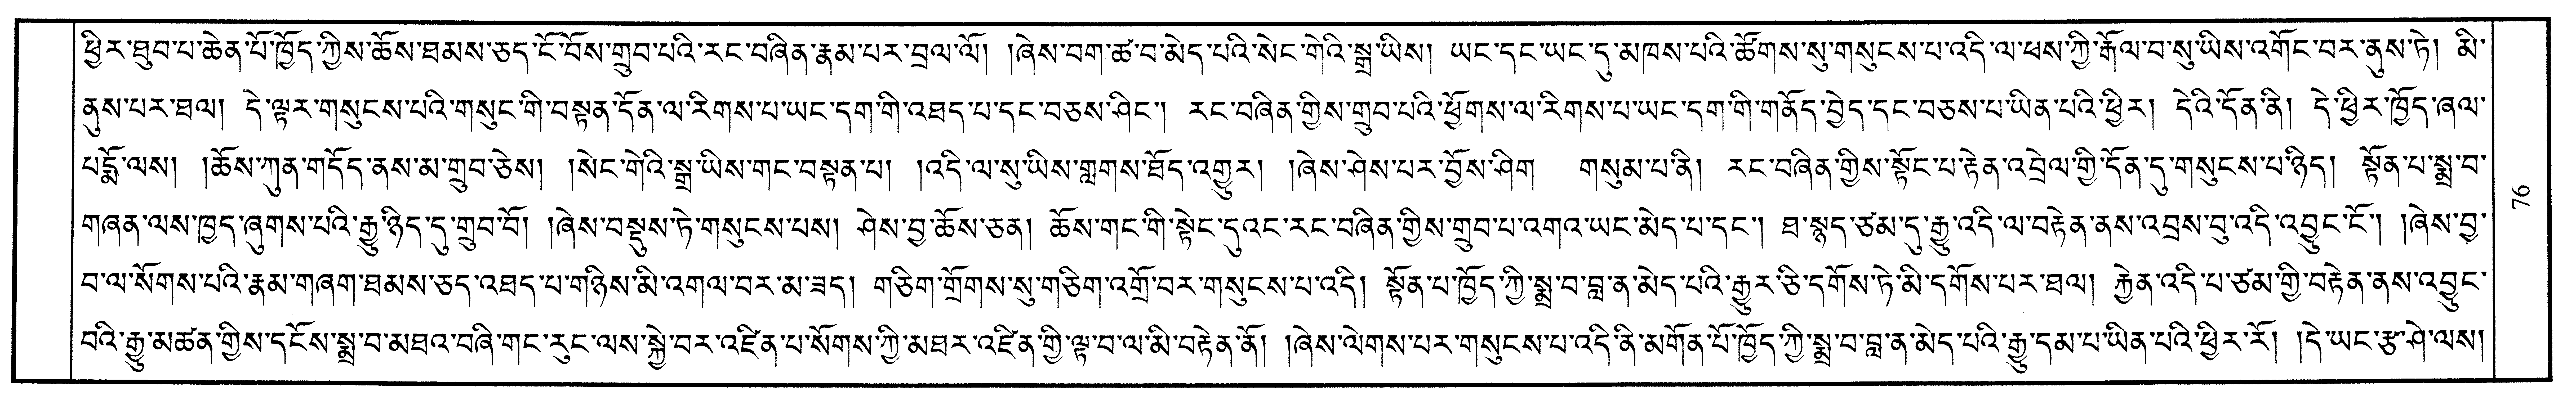ཕྱིར་ཐུབ་པ་ཆེན་པོ་ཁྱོད་ཀྱིས་ཆོས་ཐམས་ཅད་ངོ་བོས་གྲུབ་པའི་རང་བཞིན་རྣམ་པར་བྲལ་ལོ། །ཞེས་བག་ཚ་བ་མེད་པའི་སེང་གེའི་སྒྲ་ཡིས། ཡང་དང་ཡང་དུ་མཁས་པའི་ཚོགས་སུ་གསུངས་པ་འདི་ལ་ཕས་ཀྱི་རྒོལ་བ་སུ་ཡིས་འགོང་བར་ནུས་ཏེ། མི་
ནུས་པར་ཐལ། དེ་ལྟར་གསུངས་པའི་གསུང་གི་བསྟན་དོན་ལ་རིགས་པ་ཡང་དག་གི་འཐད་པ་དང་བཅས་ཤིང་། རང་བཞིན་གྱིས་གྲུབ་པའི་ཕྱོགས་ལ་རིགས་པ་ཡང་དག་གི་གནོད་བྱེད་དང་བཅས་པ་ཡིན་པའི་ཕྱིར། དེའི་དོན་ནི། དེ་ཕྱིར་ཁྱོད་ཞལ་
པདམོ་ལས། །ཆོས་ཀུན་གདོད་ནས་མ་གྲུབ་ཅེས། །སེང་གེའི་སྒྲ་ཡིས་གང་བསྟན་པ། །འདི་ལ་སུ་ཡིས་གླགས་ཐོད་འགྱུར། །ཞེས་ཤེས་པར་བྱོས་ཤིག་གསུམ་པ་ནི། རང་བཞིན་གྱིས་སྟོང་པ་རྟེན་འབྲེལ་གྱི་དོན་དུ་གསུངས་པ་ཉིད། སྟོན་པ་སྨྲ་བ་
གཞན་ལས་ཁྱད་ཞུགས་པའི་རྒྱུ་ཉིད་དུ་གྲུབ་བོ། །ཞེས་བསྡུས་ཏེ་གསུངས་པས། ཤེས་བྱ་ཆོས་ཅན། ཆོས་གང་གི་སྟེང་དུའང་རང་བཞིན་གྱིས་གྲུབ་པ་འགའ་ཡང་མེད་པ་དང་། ཐ་སྙད་ཙམ་དུ་རྒྱུ་འདི་ལ་བརྟེན་ནས་འབྲས་བུ་འདི་འབྱུང་ངོ། །ཞེས་བྱ་
བ་ལ་སོགས་པའི་རྣམ་གཞག་ཐམས་ཅད་འཐད་པ་གཉིས་མི་འགལ་བར་མ་ཟད། གཅིག་གྲོགས་སུ་གཅིག་འགྲོ་བར་གསུངས་པ་འདི། སྟོན་པ་ཁྱོད་ཀྱི་སྨྲ་བ་བླ་ན་མེད་པའི་རྒྱུར་ཅི་དགོས་ཏེ་མི་དགོས་པར་ཐལ། རྐྱེན་འདི་པ་ཙམ་གྱི་བརྟེན་ནས་འབྱུང་
བའི་རྒྱུ་མཚན་གྱིས་དངོས་སྨྲ་བ་མཐའ་བཞི་གང་རུང་ལས་སྐྱེ་བར་འཛིན་པ་སོགས་ཀྱི་མཐར་འཛིན་གྱི་ལྟ་བ་ལ་མི་བརྟེན་ནོ། །ཞེས་ལེགས་པར་གསུངས་པ་འདི་ནི་མགོན་པོ་ཁྱོད་ཀྱི་སྨྲ་བ་བླ་ན་མེད་པའི་རྒྱུ་དམ་པ་ཡིན་པའི་ཕྱིར་རོ། །དེ་ཡང་རྩ་ཤེ་ལས།